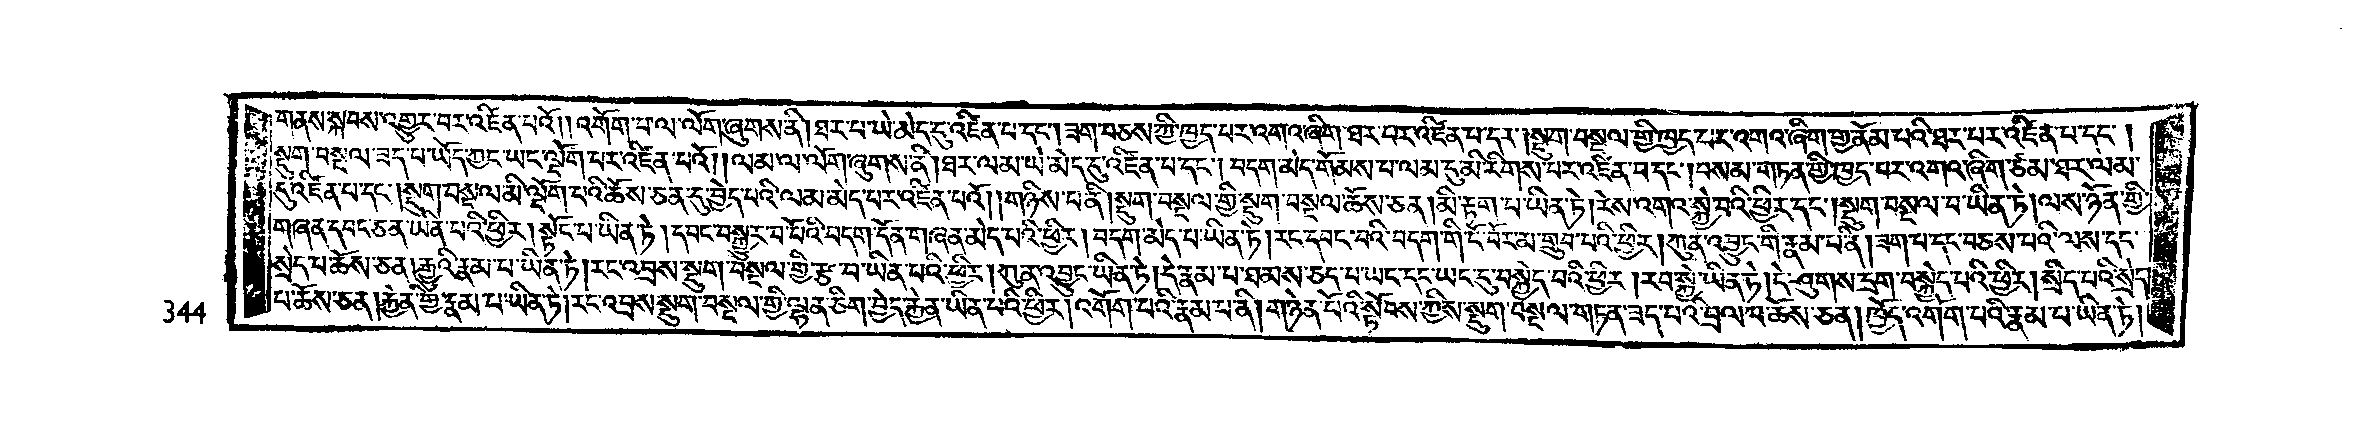གནས་སྐབས་འགྱུར་བར་འཛིན་པའོ། །འགོག་པ་ལ་ལོག་ཞུགས་ནི། ཐར་པ་ཡེ་མེད་དུ་འཛིན་པ་དང་། ཟག་བཅས་ཀྱི་ཁྱད་པར་འགའ་ཞིག་ཐར་པར་འཛིན་པ་དར། སྡུག་བསྔལ་གྱི་ཁྱད་པར་འགའ་ཞིག་གྱ་ནོམ་པའི་ཐར་པར་འཛིན་པ་དང་།
སྡུག་བསྔལ་ཟད་པ་ཡོད་ཀྱང་ཡང་ལྡོག་པར་འཛིན་པའོ། །ལམ་ལ་ལོག་ཞུགས་ནི། ཐར་ལམ་ཡེ་མེད་དུ་འཛིན་པ་དང་། བདག་མེད་གོམས་པ་ལམ་དུ་མི་རིགས་པར་འཛིན་པ་དང་། བསམ་གཏན་གྱི་ཁྱད་པར་འགའ་ཞིག་ཙམ་ཐར་ལམ་
དུ་འཛིན་པ་དང་། སྡུག་བསྔལ་མི་ལྡོག་པའི་ཆོས་ཅན་དུ་བྱེད་པའི་ལམ་མེད་པར་འཛིན་པའོ། །གཉིས་པ་ནི། སྡུག་བསྔལ་གྱི་སྡུག་བསྔལ་ཆོས་ཅན། མི་རྟག་པ་ཡིན་ཏེ། རེས་འགའ་སྐྱེ་བའི་ཕྱིར་དང་། སྡུག་བསྔལ་བ་ཡིན་ཏེ། ལས་ཉོན་གྱི་
གཞན་དབང་ཅན་ཡིན་པའི་ཕྱིར། སྟོང་པ་ཡིན་ཏེ། དབང་བསྒྱུར་བ་པོའི་བདག་དོན་གཞན་མེད་པའི་ཕྱིར། བདག་མེད་པ་ཡིན་ཏེ། རང་དབང་བའི་བདག་གི་ངོ་བོར་མ་གྲུབ་པའི་ཕྱིར། ཀུན་འབྱུང་གི་རྣམ་པ་ནི། ཟག་པ་དང་བཅས་པའི་ལས་དང་
སྲེད་པ་ཆོས་ཅན། རྒྱུའི་རྣམ་པ་ཡིན་ཏེ། རང་འབྲས་སྡུག་བསྔལ་གྱི་རྩ་བ་ཡིན་པའི་ཕྱིར། ཀུན་འབྱུང་ཡིན་ཏེ། དེ་རྣམ་པ་ཐམས་ཅད་པ་ཡང་དང་ཡང་དུ་བསྐྱེད་པའི་ཕྱིར། རབ་སྐྱེ་ཡིན་ཏེ། དེ་ཤུགས་དྲག་བསྐྱེད་པའི་ཕྱིར། སྲིད་པའི་སྲེད་
པ་ཆོས་ཅན། རྐྱེན་གྱི་རྣམ་པ་ཡིན་ཏེ། རང་འབྲས་སྡུག་བསྔལ་གྱི་ལྷན་ཅིག་བྱེད་རྐྱེན་ཡིན་པའི་ཕྱིར། འགོག་པའི་རྣམ་པ་ནི། གཉེན་པོའི་སྟོབས་ཀྱིས་སྡུག་བསྔལ་གཏན་ཟད་པའི་བྲལ་བ་ཆོས་ཅན། ཁྱོད་འགོག་པའི་རྣམ་པ་ཡིན་ཏེ།